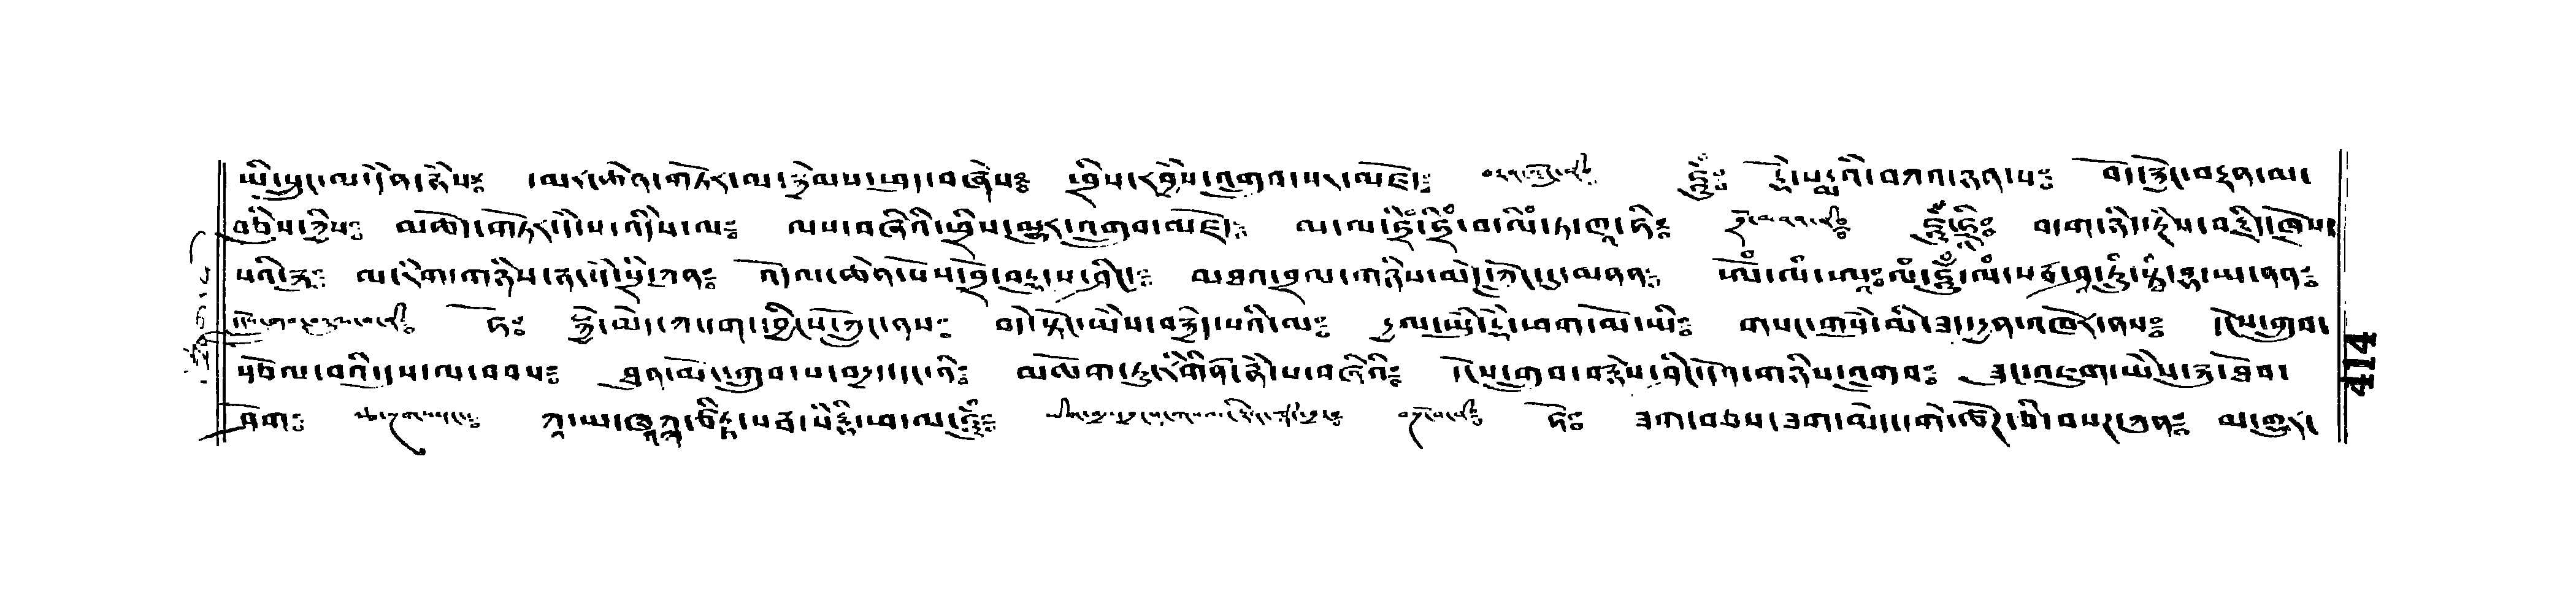ཡི་སྲུང་མ་དམ་ཅན་རྣམས༔ དམར་ཆེན་གཏེར་མ་སྐྱེམས་ཕུད་བཞེས༔ ཕྲིན་ལས་རབ་འབྱམས་འགྲུབ་པར་མཛོད༔ བརྟན་སྐྱོང་ནི༔ ཧཱུྃ༔ རྡོ་རྗེ་པདྨའི་བཀའ་ཉན་པ༔ བོད་སྐྱོང་བརྟན་མ་
བཅུ་གཉིས་ཀྱིས༔ མཆོད་གཏོར་དམ་པ་འདི་བཞེས་ལ༔ ལས་བཞིའི་ཕྲིན་ལས་མྱུར་འགྲུབ་མཛོད༔ མ་མ་ཧྲིཾ་ཧྲིཾ་བ་ལིཾ་ཏ་ཁཱ་ཧི༔ བྲོ་མནན་ནི༔ ཧཱུྃ་ཧྲཱིཿ བདག་ཉིད་རྔམས་བརྗིད་ཁྲོས་
པའི་སྐུ༔ མ་རིག་གཉིས་སྣང་དམ་སྲི་ཀུན༔ འོད་གསལ་ཆེན་པོས་བྲོ་བརྡུངས་ཤིང༔ མཐའ་བྲལ་གཉིས་མེད་ཀློང་དུ་མནན༔ ཨོཾ་ལཾ་ཨཱཿལཾ་ཧཱུྃ་ལཾ་སརྦ་ཤཱ་ཏྲུཾ་སྟྭཾ་བྷ་ཡ་ནན༔ 
དངོས་གྲུབ་བསྐུལ་བ་ནི༔ ཧོཿ སྐྱེ་མེད་ཀ་དག་དབྱིངས་ཀློང་ནས༔ བདེ་སྟོང་ཡེ་ཤེས་བསྐྱེད་པའི་མ༔ རྒྱལ་ཡུམ་རྡོ་རྗེ་ཕག་མོ་ཡི༔ གསང་གསུམ་མི་ཟད་རྒྱན་འཁོར་ནས༔ དངོས་གྲུབ་
སྩོལ་བའི་དུས་ལ་བབས༔ ཐུན་མོང་གྲུབ་པ་བརྒྱད་དང་ནི༔ མཆོག་ཏུ་རིག་འཛིན་རྣམ་པ་བཞིའི༔ དངོས་གྲུབ་བརྙེས་ཤིང་དོན་གཉིས་འགྲུབ༔ ཟུང་འཇུག་ཡེ་ཤེས་སྐུ་ཐོབ་
ཤོག༔ རྩ་སྔགས་དང༔ ཀཱ་ཡ་ཝཱཀྐ་ཙིཏྟ་སརྦ་སིདྡྷི་ཕ་ལ་ཧཱུྃ༔ ཡིག་བརྒྱ་དབྱངས་གསལ་རྟེན་སྙིང་བྱ༔ བསྔོ་བ་ནི༔ ཧོཿ ཟག་བཅས་ཟག་མེད་དགེ་ཚོགས་ཅི་བསགས་ཀུན༔ མ་གྱུར་